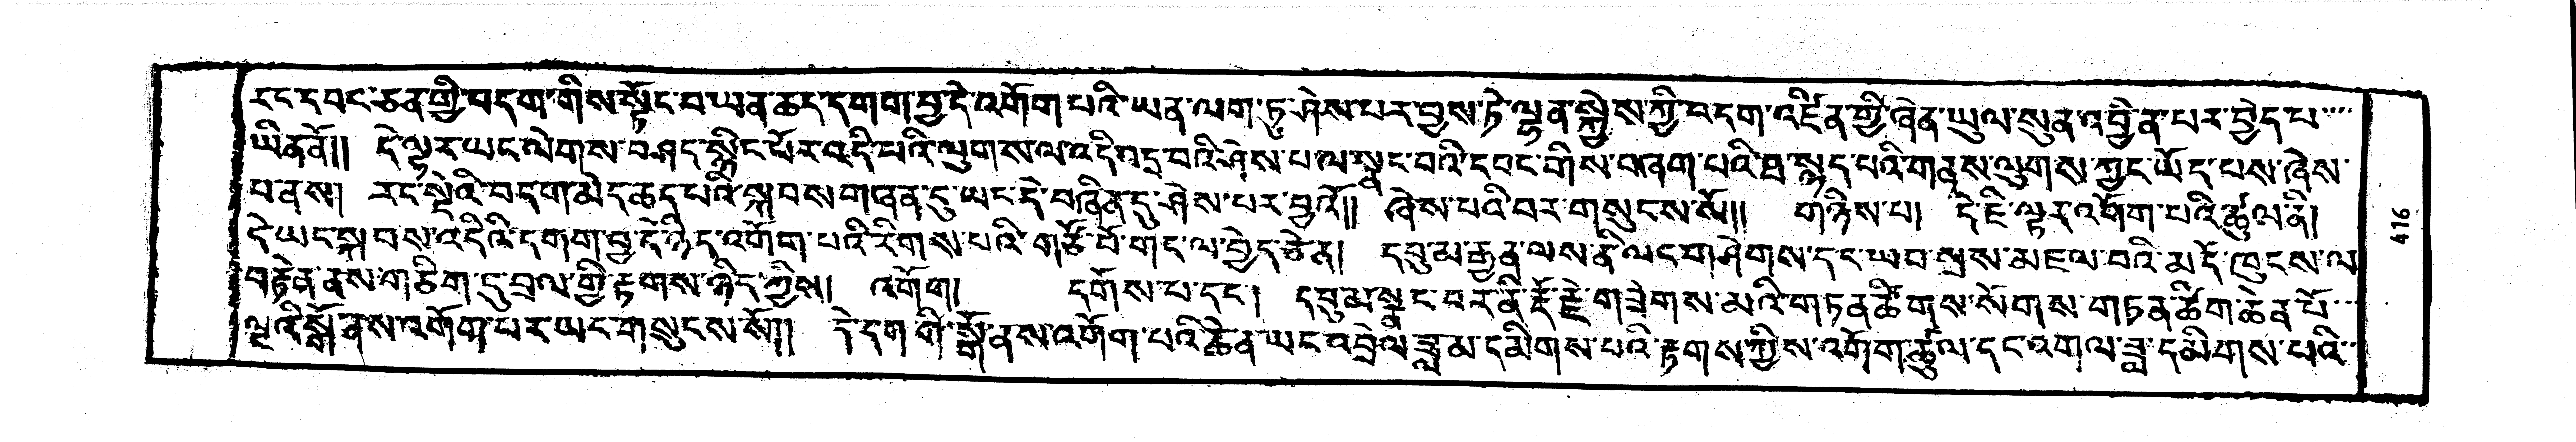རང་དབང་ཅན་གྱི་བདག་གིས་སྟོང་བ་ཡན་ཆད་དགག་བྱ་དེ་འགོག་པའི་ཡན་ལག་ཏུ་ཤེས་པར་བྱས་ཏེ་ལྷན་སྐྱེས་ཀྱི་བདག་འཛིན་གྱི་ཞེན་ཡུལ་སུན་འབྱིན་པར་བྱེད་པ་
ཡིན་ནོ། །དེ་ལྟར་ཡང་ལེགས་བཤད་སྙིང་པོར་འདི་པའི་ལུགས་ལ་འདི་འདྲ་བའི་ཤེས་པ་ལ་སྣང་བའི་དབང་གིས་བཞག་པའི་ཐ་སྙད་པའི་གནས་ལུགས་ཀྱང་ཡོད་པས་ཞེས་
པ་ནས། རང་སྡེའི་བདག་མེད་ཆད་པའི་སྐབས་གཞན་དུ་ཡང་དེ་བཞིན་དུ་ཤེས་པར་བྱའོ། །ཞེས་པའི་བར་གསུངས་སོ། །གཉིས་པ། དེ་ཇི་ལྟར་འགོག་པའི་ཚུལ་ནི།
དེ་ཡང་སྐབས་འདིའི་དགག་བྱ་དེ་ཉིད་འགོག་པའི་རིགས་པའི་གཙོ་བོ་གང་ལ་བྱེད་ཅེ་ན། དབུ་མ་རྒྱན་ལས་ནི་ལང་གཤེགས་དང་ཡབ་སྲས་མཇལ་བའི་མདོ་ཁུངས་ལ་
བརྟེན་ནས་གཅིག་དུ་བྲལ་གྱི་རྟགས་ཉིད་ཀྱིས། འགོག། དགོས་པ་དང་། དབུ་མ་སྣང་བར་ནི་རྡོ་རྗེ་གཟེགས་མའི་གཏན་ཚིགས་སོགས་གཏན་ཚིག་ཆེན་པོ་
ལྔའི་སྒོ་ནས་འགོག་པར་ཡང་གསུངས་སོ། །དེ་དག་གི་སྒོ་ནས་འགོག་པའི་ཆེན་ཡང་འབྲེལ་ཟླ་མ་དམིགས་པའི་རྟགས་ཀྱིས་འགོག་ཚུལ་དང་འགལ་ཟླ་དམིགས་པའི་